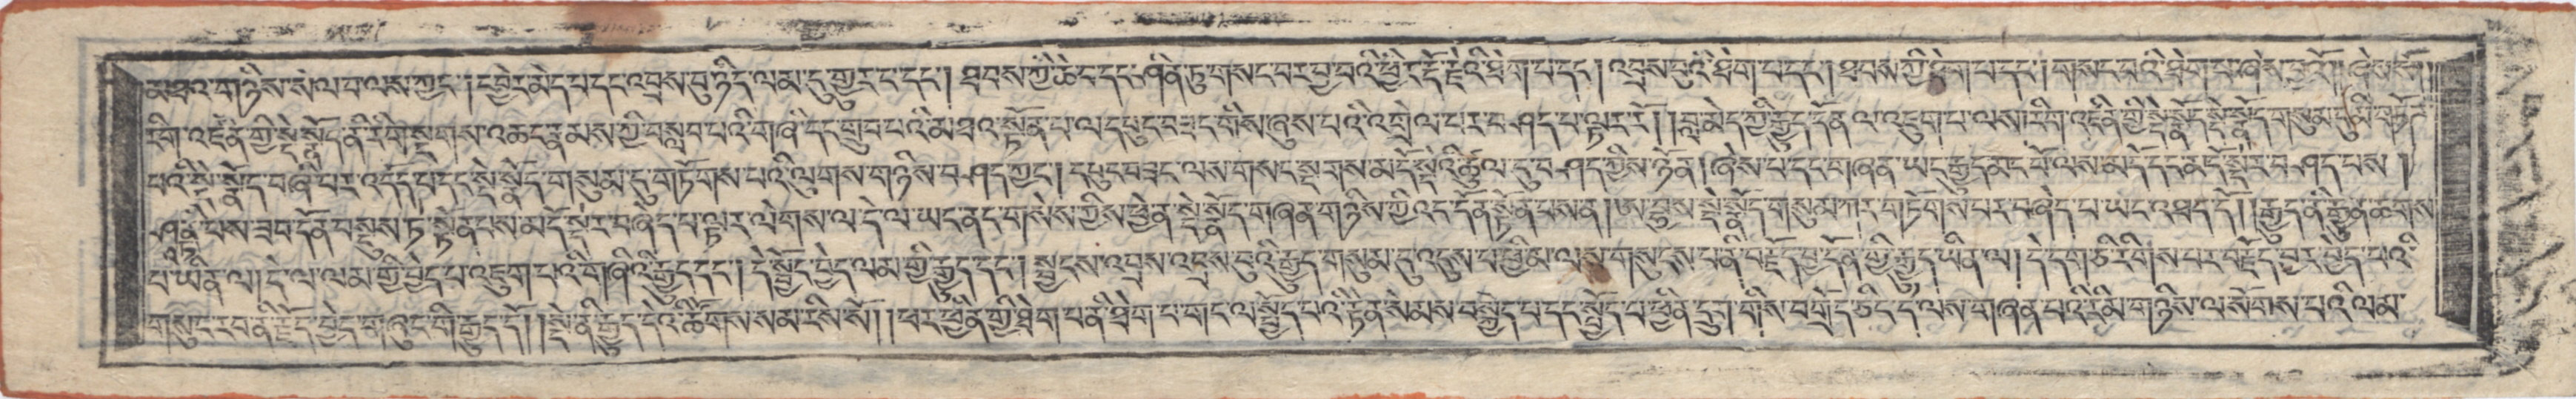མཐའ་གཉིས་སེལ་བ་ལས་ཀྱང་། དབྱེར་མེད་པ་དང་འབྲས་བུ་ཉིད་ལམ་དུ་གྱུར་པ་དང་། ཐབས་ཀྱི་ཆེ་བ་དང་ཤིན་ཏུ་གསང་བར་བྱ་བའི་ཕྱིར་རྡོ་རྗེའི་ཐེག་པ་དང་། འབྲས་བུའི་ཐེག་པ་དང་། ཐབས་ཀྱི་ཐེག་པ་དང་། གསང་བའི་ཐེག་པ་ཞེས་བྱའོ། །ཞེས་སོ། །
རིག་འཛིན་གྱི་སྡེ་སྣོད་ནི་རིག་སྔགས་འཆང་རྣམས་ཀྱི་བསླབ་པའི་གཞི་དང་གྲུབ་པའི་མཐའ་སྟོན་པ་ལ་དཔུང་བཟང་གིས་ཞུས་པའི་འགྲེལ་པར་བཤད་པ་ལྟར་རོ། །བླ་མེད་ཀྱི་རྒྱུད་དོན་ལ་འཇུག་པ་ལས། རིག་འཛིན་གྱི་སྡེ་སྣོད་སྡེ་སྣོད་གསུམ་དུ་མི་གཏོགས་
པའི་སྡེ་སྣོད་བཞི་པར་འདོད་པ་དང་སྡེ་སྣོད་གསུམ་དུ་གཏོགས་པའི་ལུགས་གཉིས་བཤད་ཀྱང་། དཔུང་བཟང་ལས་གསང་སྔགས་མདོ་སྡེའི་ཚུལ་དུ་བཤད་ཀྱིས་ཉོན། ཞེས་པ་དང་གཞན་ཡང་རྒྱུད་མང་པོ་ལས་མདོ་དང་མདོ་སྡེར་བཤད་པས།
ཤཱནྟི་པས་ཟབ་དོན་བསྡུས་ཏེ་སྟོན་པས་མདོ་སྡེར་བཞེད་པ་ལྟར་ལེགས་ལ་དེ་ལ་ཡང་ནང་གསེས་ཀྱིས་ཕྱེ་ན་སྡེ་སྣོད་གཞན་གཉིས་ཀྱིའང་དོན་སྟོན་པས་ན། ཨ་བྷྱས་སྡེ་སྣོད་གསུམ་ཀར་གཏོགས་པར་བཞེད་པ་ཡང་འཐད་དོ། །རྒྱུད་ནི་རྒྱུན་ཆགས་
པ་ཡིན་ལ། དེ་ལ་ལམ་གྱི་བྱེད་པ་འཇུག་པའི་གཞིའི་རྒྱུད་དང་། དེ་སྦྱོང་བྱེད་ལམ་གྱི་རྒྱུད་དང་། སྦྱངས་འབྲས་འབྲས་བུའི་རྒྱུད་གསུམ་དུ་འདུས་པ་ཕྱི་མ་ལས་གསུངས་པ་ནི་བརྗོད་བྱ་དོན་གྱི་རྒྱུད་ཡིན་ལ། དེ་དག་ཅི་རིགས་པར་བརྗོད་བྱར་བྱེད་པའི་
གསུང་རབ་ནི་རྗོད་བྱེད་གཞུང་གི་རྒྱུད་དོ། །སྡེ་ནི་རྒྱུད་དེའི་ཚོགས་སམ་རིས་སོ། །ཕར་ཕྱིན་གྱི་ཐེག་པ་ནི་ཐེག་པ་གང་ལ་སྤྱོད་པའི་རྟེན་སེམས་བསྐྱེད་པ་དང་སྤྱོད་པ་ཕྱིན་དྲུག་གིས་བགྲོད་ཅིང་དེ་ལས་གཞན་པའི་རིམ་གཉིས་ལ་སོགས་པའི་ལམ་